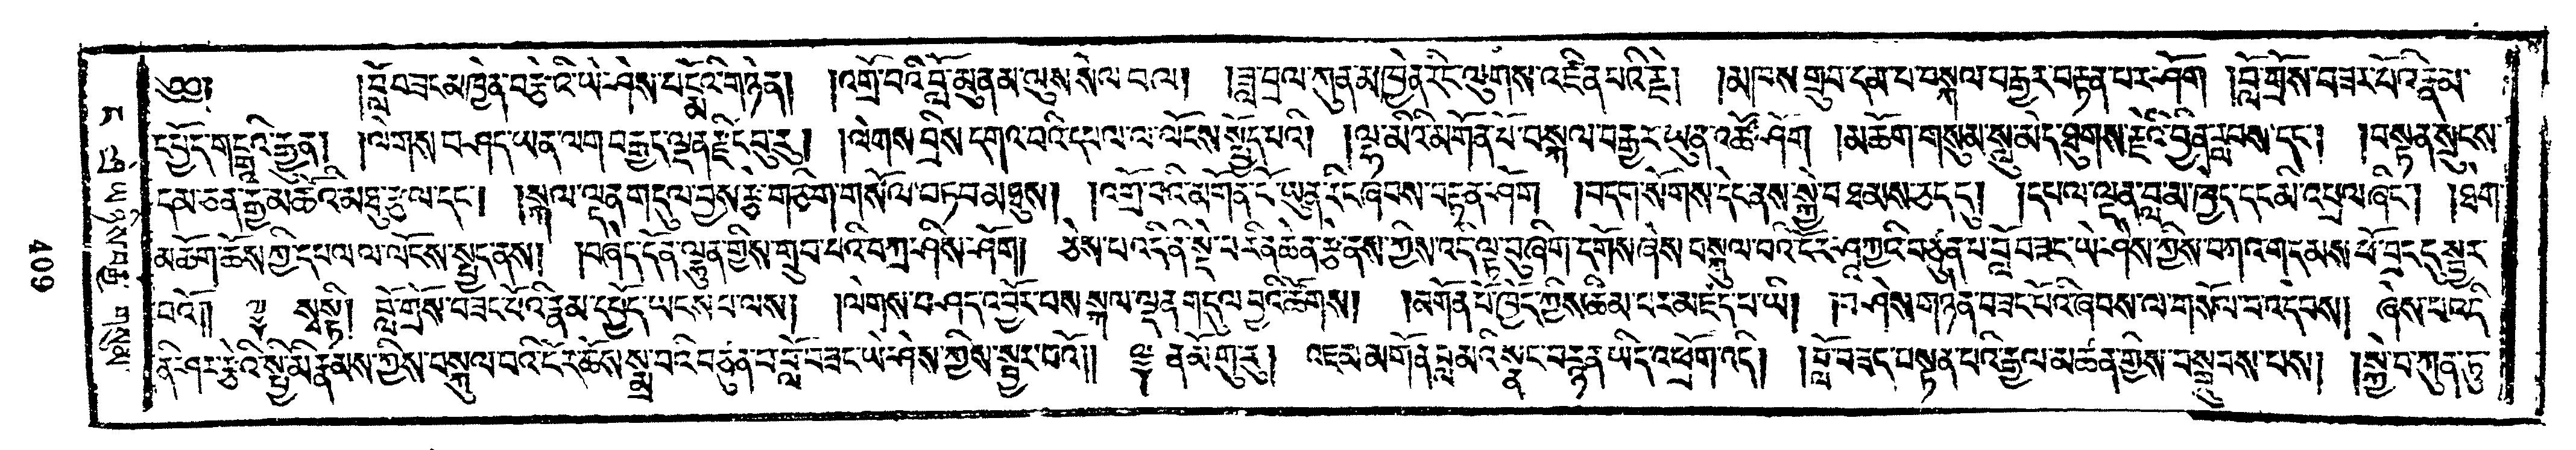༄༅། །བློ་བཟང་མཁྱེན་བརྩེའི་ཡེ་ཤེས་པདམོའི་གཉེན། །འགྲོ་བའི་བློ་མུན་མ་ལུས་སེལ་བ་ལ། །ཟླ་བྲལ་ཀུན་མཁྱེན་རིང་ལུགས་འཛིན་པའི་རྗེ། །མཁས་གྲུབ་དམ་པ་བསྐལ་བརྒྱར་བརྟན་པར་ཤོག །བློ་གྲོས་བཟར་པོའི་རྣམ་
དཔྱོད་གངྒཱའི་རྒྱུན། །ལེགས་བཤད་ཡན་ལག་བརྒྱད་ལྡན་རྫིང་བུ་རུ། །ལེགས་བྲིས་དགའ་བའི་དཔལ་ལ་ལོངས་སྤྱོད་པའི། །ལྷ་མིའི་མགོན་པོ་བསྐལ་བརྒྱར་ཡུན་འཚོ་ཤོག །མཆོག་གསུམ་སླུ་མེད་ཐུགས་རྗེའི་བྱིན་རླབས་དང་། །བསྟན་སྲུངས་
དམ་ཅན་རྒྱ་མཚོའི་མཐུ་རྩལ་དང་། །སྐལ་ལྡན་གདུལ་བྱས་རྩེ་གཅིག་གསོལ་བཏབ་མཐུས། །འགྲོ་བའི་མགོན་པོ་ཡུན་རིང་ཞབས་བརྟན་ཤོག །བདག་སོགས་དེང་ནས་སྐྱེ་བ་ཐམས་ཅད་དུ། །དཔལ་ལྡན་བླ་མ་ཁྱེད་དང་མི་འཕྲལ་ཞིང་། །ཐེག་
མཆོག་ཆོས་ཀྱི་དཔལ་ལ་ལོངས་སྤྱད་ནས། །བཞེད་དོན་ལྷུན་གྱིས་གྲུབ་པའི་བཀྲ་ཤིས་ཤོག། ཅེས་པ་འདི་ནི་སྡེ་པ་རིན་ཆེན་རྩེ་ནས་ཀྱིས་འདི་ལྟ་བུ་ཞིག་དགོས་ཞེས་བསྐུལ་བའི་ངོར་ཤཱཀྱའི་བཙུན་པ་བློ་བཟང་ཡེ་ཤེས་ཀྱིས་བཀའ་གདམས་ཕོ་བྲང་དུ་སྦྱར་
བའོ།། ༈ སྭསྟི། བློ་གྲོས་བཟང་པོའི་རྣམ་དཔྱོད་ཡངས་པ་ལས། །ལེགས་བཤད་འབྱོར་བས་སྐལ་ལྡན་གདུལ་བྱའི་ཚོགས། །མགོན་པོ་ཁྱོད་ཀྱིས་ཚིམ་པར་མཛད་པ་ཡི། །བཤེས་གཉེན་བཟང་པོའི་ཞབས་ལ་གསོལ་བ་འདེབས། །ཞེས་པ་འདི་
ནི་ཤར་རྩེའི་སྤྱི་མི་རྣམས་ཀྱིས་བསྐུལ་བའི་ངོ་ར་ཆོས་སྨྲ་བའི་བཙུན་པ་བློ་བཟང་ཡེ་ཤེས་ཀྱིས་སྦྱར་བའོ།། ༈ ན་མོ་གུ་རུ། འཇམ་མགོན་བླ་མའི་སྣང་བརྙན་ཡིད་འཕྲོག་འདི། །བློ་བཟང་བསྟན་པའི་རྒྱལ་མཚན་གྱིས་བསྒྲུབས་པས། །སྐྱེ་བ་ཀུན་ཏུ་